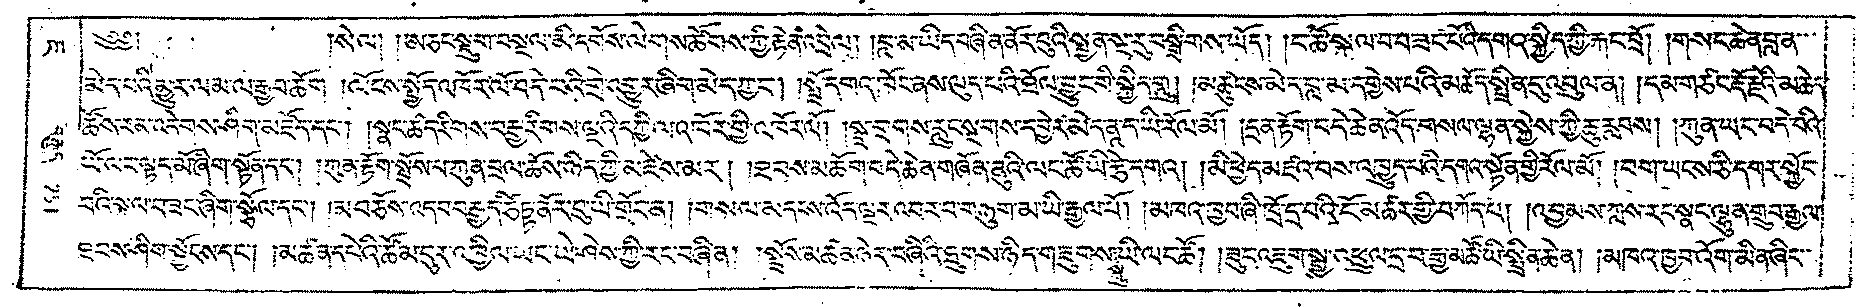༄༅། །སེལ། །ཨ་ཅང་སྡུག་བསྔལ་མི་དགོས་ལེགས་ཚོགས་ཀྱི་རྟེན་འབྲེལ། །བླ་མ་ཡིད་བཞིན་ནོར་བུའི་སྤྱན་སྔ་རུ་བསྒྲིགས་ཡོད། །ང་ཚོ་སྐལ་བ་བཟང་པོའི་དགའ་སྐྱིད་ཀྱི་རྐང་བྲོ། །གསང་ཆེན་བླ་ན་
མེད་པའི་མྱུར་ལམ་ལ་རྒྱབ་ཆོག །ལོངས་སྤྱོད་འཁོར་ལོ་བདེ་བའི་གྲེ་འགྱུར་ཞིག་མེད་ཀྱང་། །སྤྲོ་དགའ་ཁོང་ནས་ལུད་པའི་ཐོལ་བྱུང་གི་སྐྱིད་གླུ། །མཚུངས་མེད་བླ་མ་དགྱེས་པའི་མཆོད་སྤྲིན་དུ་འབུལ་ན། །དམ་གཙང་རྡོ་རྗེའི་མཆེད་
ཚོས་རམ་འདེགས་ཤིག་མཛོད་དང་། །སྣང་ཚད་རིགས་བརྒྱ་རིགས་ལྔའི་དཀྱིལ་འཁོར་གྱི་འཁོར་ལོ། །སྒྲ་གྲགས་རླུང་སྔགས་དབྱེར་མེད་ནཱ་ད་ཡི་རོལ་མོ། །དྲན་རྟོག་བདེ་ཆེན་འོད་གསལ་ལྷན་སྐྱེས་ཀྱི་ཆུ་རླབས། །ཀུན་ཡང་བདེ་བའི་
ཡོ་ལང་ལྟད་མོ་ཞིག་སྟོན་དང་། །ཀུན་རྟོག་སྤྲོས་པ་ཀུན་བྲལ་ཆོས་ཉིད་ཀྱི་མཛེས་མར། །ཐབས་མཆོག་བདེ་ཆེན་གཞོན་ནུའི་ལང་ཚོ་ཡི་རྩེ་དགའ། །མི་ཕྱེད་མཛའ་བས་འཁྱུད་པའི་དགའ་སྟོན་གྱི་རོལ་མོ། །བག་ཡངས་ཅི་དགར་སྐྱོང་
བའི་སྐལ་བཟང་ཞིག་སྩོལ་དང་། །མ་བཅོས་འདབ་བརྒྱད་ཙིཏྟ་ནོར་བུ་ཡི་གྲོང་ན། །གསལ་མདངས་འོད་ལྔར་འབར་བ་གཉུག་མ་ཡི་རྒྱལ་པོ། །མཁའ་ཁྱབ་ཞི་ཁྲོ་དྲ་བའི་ངོ་མཚར་གྱི་བཀོད་པ། །འབྱམས་ཀླས་རང་སྣང་ལྷུན་གྲུབ་རྒྱལ་
ཐབས་ཤིག་སྐྱོངས་དང་། །མཚན་དཔེའི་ཚོམ་བུར་འཁྱིལ་ཡང་ཡེ་ཤེས་ཀྱི་རང་བཞིན། །སྤྲོས་མཚན་ཉེར་བཞིའི་ཐུགས་ཉིད་གཟུགས་སྐུ་ཡི་ལང་ཚོ། །ཟུང་འཇུག་སྒྱུ་འཕྲུལ་དྲ་བ་རྒྱ་མཚོ་ཡི་སྤྲིན་ཆེན། །མཁའ་ཁྱབ་འོག་མིན་ཞིང་